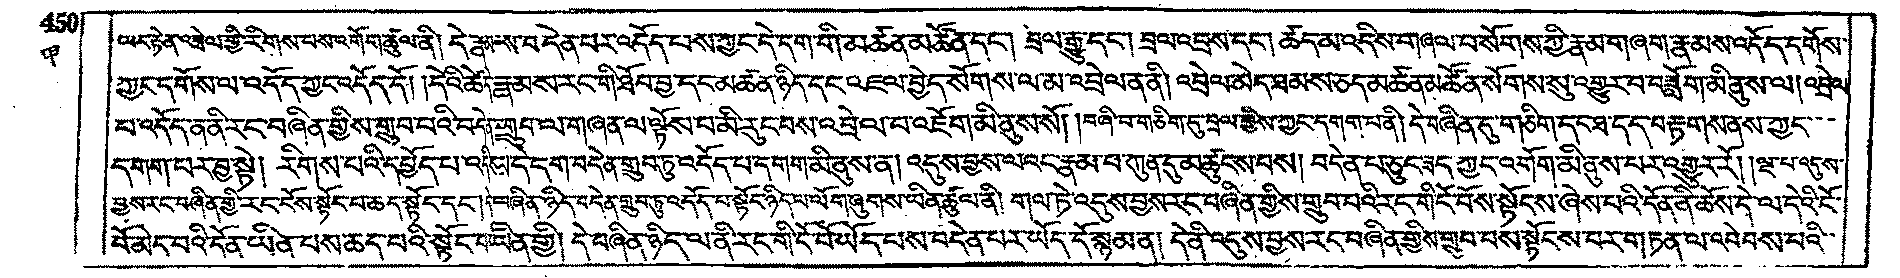ཡང་རྟེན་འཕྲེལ་གྱི་རིགས་པས་འགོག་ཚུལ་ནི། དེ་རྣམས་བདེན་པར་འདོད་པས་ཀྱང་དེ་དག་གི་མཚན་མཚོན་དང་། བྲལ་རྒྱུ་དང་། བྲལ་འབྲས་དང་། ཚད་མ་འདིས་གཞལ་བ་སོགས་ཀྱི་རྣམ་གཞག་རྣམས་འདོད་དགོས་
ཀྱང་དགོས་ལ་འདོད་ཀྱང་འདོད་དོ། །དེའི་ཚེ་དེ་རྣམས་རང་གི་ཐོབ་བྱ་དང་མཚན་ཉིད་དང་འཇལ་བྱེད་སོགས་ལ་མ་འབྲེལ་ན་ནི། འབྲེལ་མེད་ཐམས་ཅད་མཚན་མཚོན་སོགས་སུ་འགྱུར་བ་བཟློག་མི་ནུས་ལ། འབྲེལ་
པ་འདོད་ན་ནི་རང་བཞིན་གྱིས་གྲུབ་པའི་བདེན་གྲུབ་ལ་གཞན་ལ་ལྟོས་པ་མི་རུང་བས་འབྲེལ་པ་འཇོག་མི་ནུས་སོ། །བཞི་པ་གཅིག་དུ་བྲལ་གྱིས་ཀྱང་དགག་པ་ནི།  དེ་བཞིན་དུ་གཅིག་དང་ཐ་དད་བརྟགས་ནས་ཀྱང་
དགག་པར་བྱ་སྟེ། རིགས་པའི་དཔྱོད་པ་འདིས་དེ་དག་བདེན་གྲུབ་ཏུ་འདོད་པ་དགག་མི་ནུས་ན། འདུས་བྱས་ལའང་རྣམ་པ་ཀུན་དུ་མཚུངས་པས། བདེན་པ་ཅུང་ཟད་ཀྱང་འགོག་མི་ནུས་པར་འགྱུར་རོ། །ལྔ་པ་འདུས་
བྱས་རང་བཞིན་གྱི་རང་ངོས་སྟོང་པ་ཆད་སྟོང་དང་། དེ་བཞིན་ཉིད་བདེན་གྲུབ་ཏུ་འདོད་པ་སྟོང་ཉིད་ལ་ལོག་ཞུགས་ཡིན་ཚུལ་ནི། གལ་ཏེ་འདུས་བྱས་རང་བཞིན་གྱིས་གྲུབ་པའི་རང་གི་ངོ་བོས་སྟོངས་ཞེས་པའི་དོན་ནི་ཆོས་དེ་ལ་དེའི་ངོ་
པོ་མེད་པའི་དོན་ཡིན་པས་ཆད་པའི་སྟོང་པ་ཡིན་གྱི། དེ་བཞིན་ཉིད་ལ་ནི་རང་གི་ངོ་བོ་ཡོད་པས་བདེན་པར་ཡོད་དོ་སྙམ་ན། དེ་ནི་འདུས་བྱས་རང་བཞིན་གྱིས་གྲུབ་པས་སྟོངས་པར་གཏན་ལ་འབེབས་པའི་